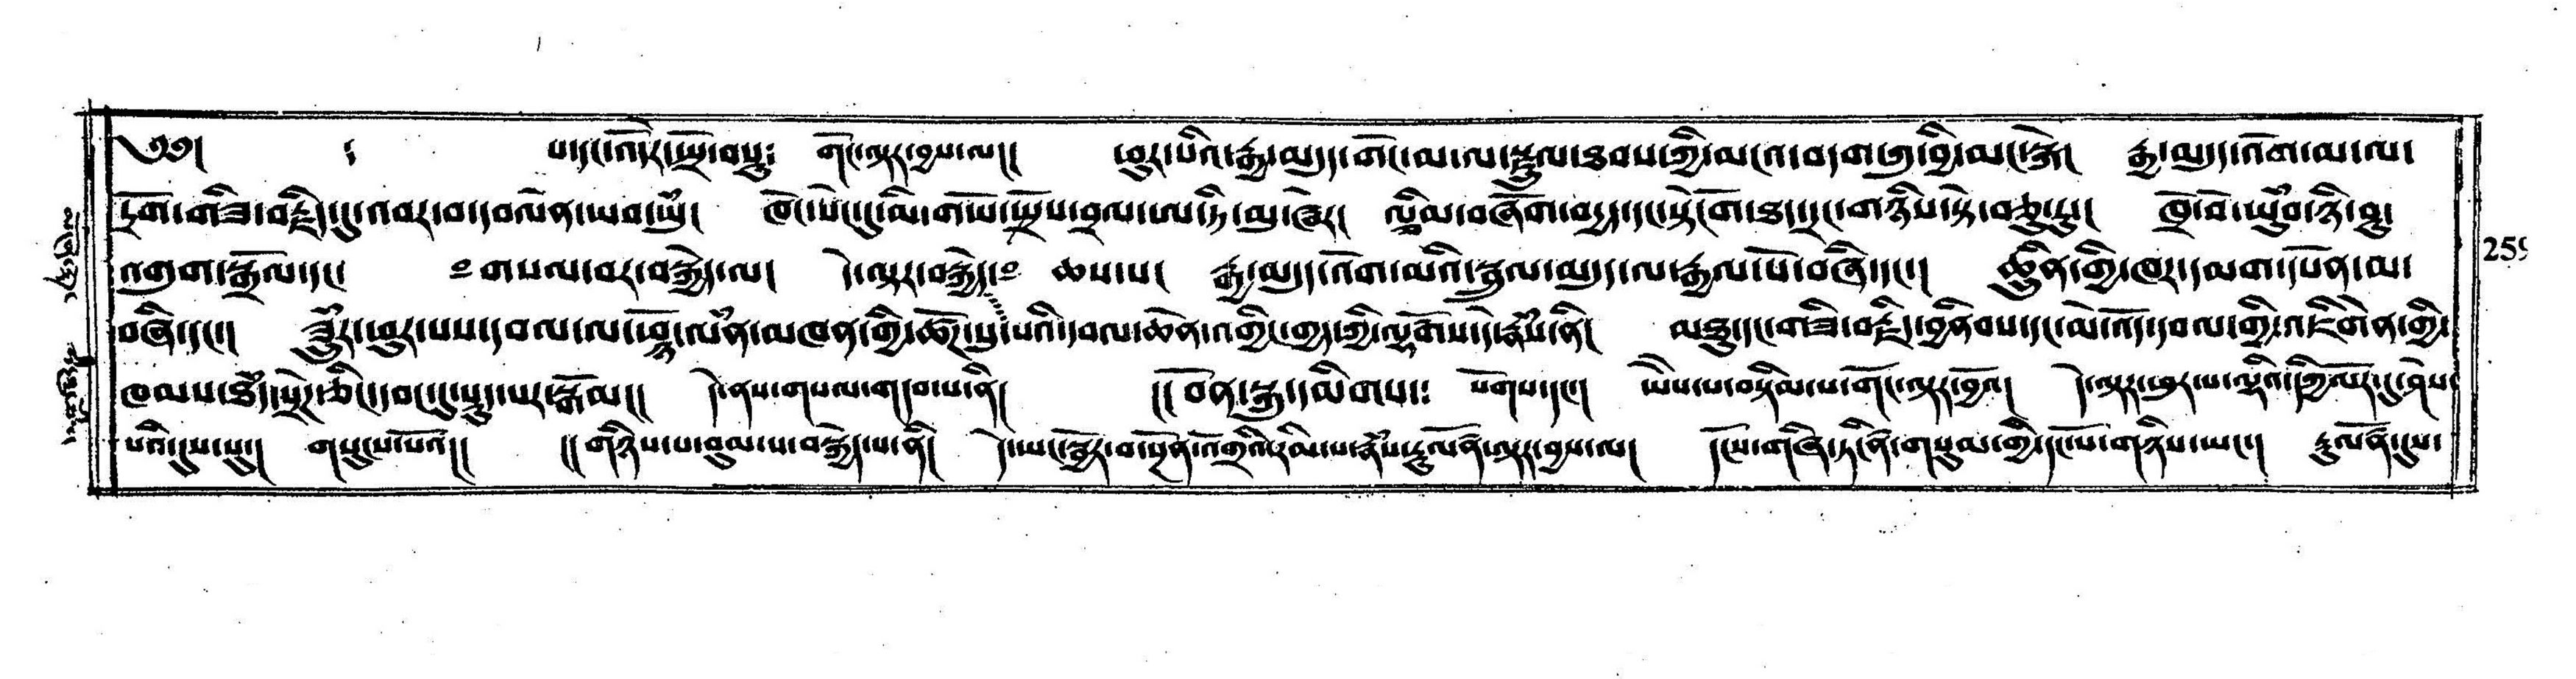པ་དང་འོད་ཟེར་སྤྲོ་བསྡུ༴ གོང་ལྟར་བྱས་ལ།། ཕུར་པའི་རྒྱ་མདུད་གོང་མ་ལ་རྫུ་འཕྲུལ་ཐབས་ཀྱི་མངའ་བདག་ཀུ་བྱི་མང་སྐེ། རྒྱ་མདུད་འོག་མ་ལ་
དྲག་པོ་གཟི་བརྗིད་དུ་འབར་བ་དབལ་ཆེན་ཡབ་ཡུམ། ཁོང་སེང་དུ་མི་གཡོ་སྤྲོས་བྲལ་ཨ་ཏི་མུ་ཝེར། ལྕུམ་བཞོག་བརྒྱད་དང་སྟེང་འོག་ཐད་དྲང་གཉིས་སྟེ་བཅུ་རུ། ཁྲོ་བོ་ཡབ་ཡུམ་ཉི་ཤུ་
འགུག་སྒྲོལ་དང་ཆས་པ། རྒྱ་མདུད་འོག་མའི་སྦྲུལ་མདུད་ལ་རྒྱལ་པོ་བཞི་དང་། ཆུ་སྲིན་གྱི་ཁར་དམག་དཔོན་མ་
བཞི་དང་། ཟུར་གསུམ་ཕུར་པའི་དབལ་ལ་ཕོ་ཉ་ལས་མཁན་གྱི་ཚོགས་སུ་གསལ་བར་བསྐྱེད་ལ། དེ་ལྟར་བསྐྱེད་པའི་དབལ་ཆེན་འགྱིང་གྱད་ཀྱི་ལྷ་ཚོགས་དེ་རྣམས་ནི། མཐུ་དང་གཟི་བརྗིད་བྱིན་རླབས་དང་མེ་འོད་དབལ་གྱི་འཇིག་རྟེན་གྱི་
ཁམས་ཐམས་ཅད་སྲེག་ཅིང་དབང་དུ་སྡུད་པར་སྒོམ།། དེ་ནས་གསལ་གདབ་པ་ནི། །།བོན་སྐུ་དམིགས༴ སོགས་དང་། ཡེ་ཤེས་པ་བསྟིམ་པ་གོང་ལྟར་བྱའོ། དེལྟར་ཕུར་པ་ལྷའི་དཀྱིལ་འཁོར་དུ་ཤེས་
པའི་དུས་སུ། གསུངས་པའོ།། །།གཉིས་པ་བུམ་པ་བསྐྱེད་པ་ནི། དེ་ཡང་སྦྱོར་བ་སྔོན་འགྲོའི་རིམ་པ་རྣམས་རྡུལ་ཚོན་ལྟར་བྱས་ལ། དངོས་གཞི་ཏིང་འཛིན་གསུམ་གྱི་དང་པོ་གཉིས་ཡང་། རྡུལ་ཚོན་དུས་